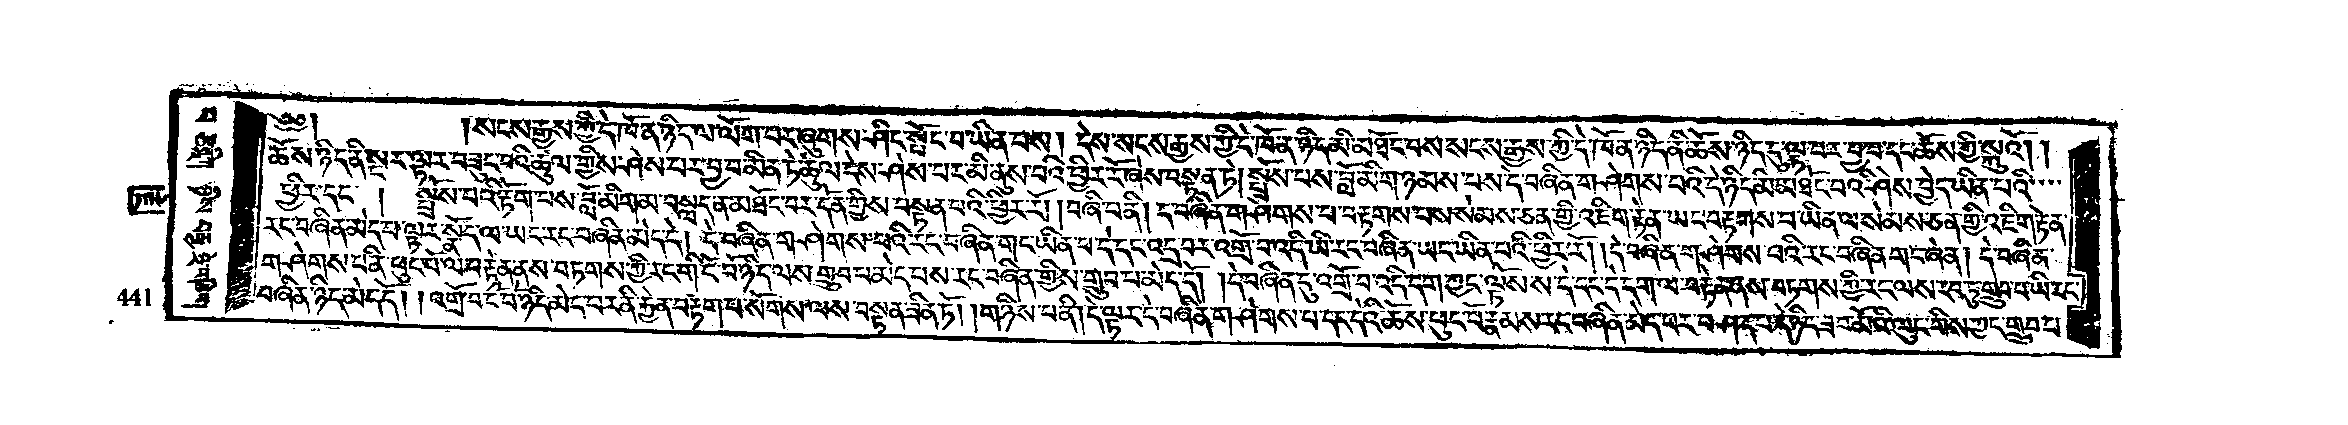༄༅། །སངས་རྒྱས་ཀྱི་དེ་ཁོ་ན་ཉིད་ལ་ལོག་པར་ཞུགས་ཤིང་སྤོང་བ་ཡིན་པས། དེས་སངས་རྒྱས་ཀྱི་དེ་ཁོ་ན་ཉིད་མི་མཐོང་བས་སངས་རྒྱས་ཀྱི་དེ་ཁོ་ན་ཉིད་ནི་ཆོས་ཉིད་དུ་ལྟ་བར་བྱ་བ་དང་ཆོས་ཀྱི་སྐུའོ། །
ཆོས་ཉིད་ནི་སྔར་ལྟར་བཟུང་བའི་ཚུལ་གྱིས་ཤེས་པར་བྱ་བ་མིན་ཏེ་ཚུལ་དེས་ཤེས་པར་མི་ནུས་པའི་ཕྱིར་རོ་ཞེས་བསྟན་ཏེ། སྤྲོས་པས་བློ་མིག་ཉམས་པས་དེ་བཞིན་གཤེགས་པའི་དེ་ཉིད་མི་མཐོང་བའི་ཤེས་བྱེད་ཡིན་པའི་
ཕྱིར་དང་། སྤྲོས་པའི་རྟོག་པས་བློ་མིག་མ་བསླད་ན་མཐོང་བར་དོན་གྱིས་བསྟན་པའི་ཕྱིར་རོ། །བཞི་པ་ནི། དེ་བཞིན་གཤེགས་པ་བརྟགས་པས་སེམས་ཅན་གྱི་འཇིག་རྟེན་ཡང་བརྟགས་པ་ཡིན་ལ་སེམས་ཅན་གྱི་འཇིག་རྟེན་
རང་བཞིན་མེད་པ་ལྟར་སྣོད་ལ་ཡང་རང་བཞིན་མེད་དེ། དེ་བཞིན་གཤེགས་པའི་རང་བཞིན་གང་ཡིན་པ་དེ་དང་འདྲ་བར་འགྲོ་བ་འདི་ཡི་རང་བཞིན་ཡང་ཡིན་པའི་ཕྱིར་རོ། །དེ་བཞིན་གཤེགས་པའི་རང་བཞིན་གང་ཞེ་ན། དེ་བཞིན་
གཤེགས་པ་ནི་ཕུང་པོ་ལ་བརྟེན་ནས་བཏགས་ཀྱི་རང་གི་ངོ་བོ་ཉིད་ལས་གྲུབ་པ་མེད་པས་རངྦྮིན་གྱིས་གྲུབ་པ་མེད་དོ། །དེ་བཞིན་དུ་འགྲོ་བ་འདི་དག་ཀྱང་ལྟོས་ས་དེ་དང་དེ་དག་ལ་བརྟེན་ནས་བཏགས་ཀྱི་རང་ལས་རབ་ཏུ་གྲུབ་པ་ཡི་རང་
བཞིན་ཉིད་མེད་དོ། །འགྲོ་བ་ངོ་བོ་ཉིད་མེད་པར་ནི་རྐྱེན་བརྟག་པ་སོགས་ལས་བསྟན་ཟིན་ཏོ། །གཉིས་པ་ནི། དེ་ལྟར་དེ་བཞིན་གཤེགས་པ་དང་དེའི་ཆོས་ཕུང་པོ་རྣམས་རང་བཞིན་མེད་པར་བཤད་པ་དེ་ཉིད་ཟབ་མོའི་ལུང་གིས་ཀྱང་གྲུབ་པ་